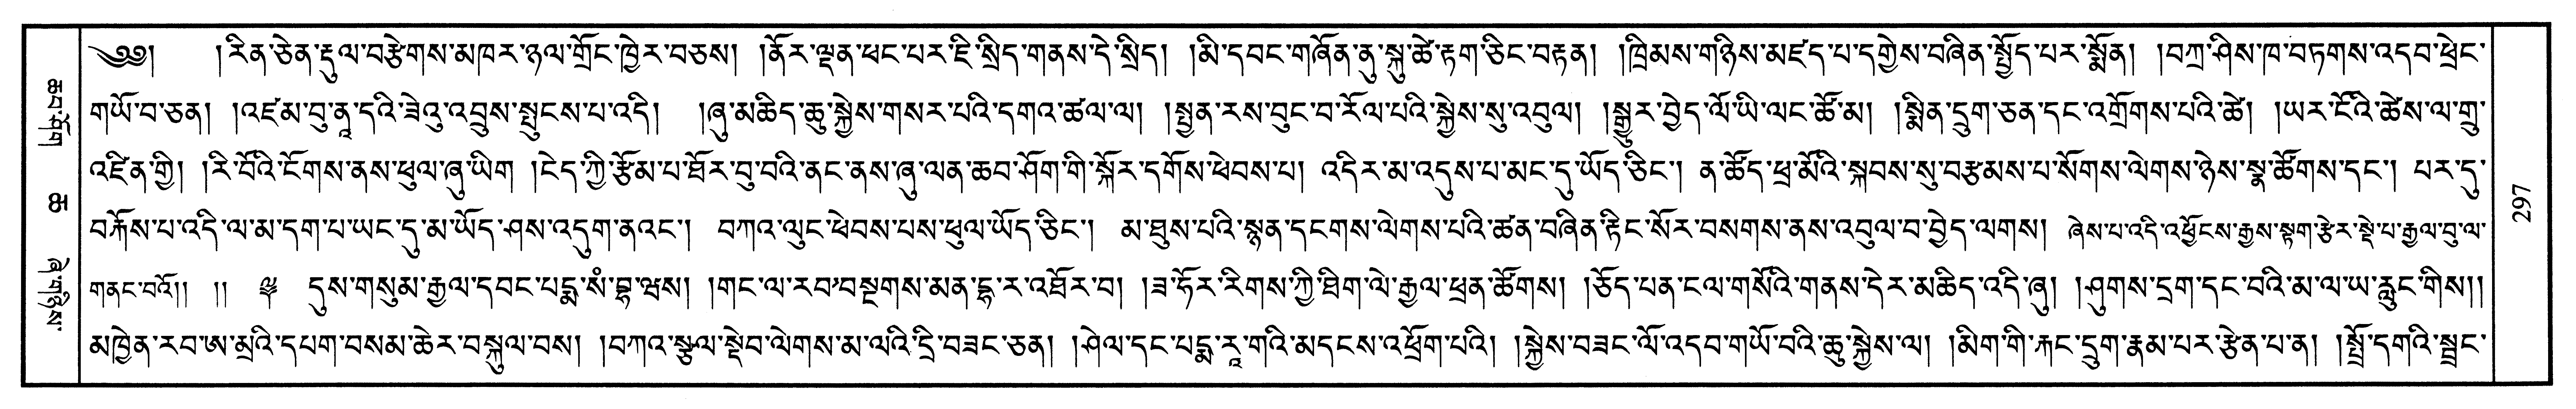༄༅། །རིན་ཅེན་རྡུལ་བརྩེགས་མཁར་ཉལ་གྲོང་ཁྱེར་བཅས། །ནོར་ལྡན་ཕང་པར་ཇི་སྲིད་གནས་དེ་སྲིད། །མི་དབང་གཞོན་ནུ་སྐུ་ཚེ་རྟག་ཅིང་བརྟན། །ཁྲིམས་གཉིས་མཛད་པ་དགྱེས་བཞིན་སྤྱོད་པར་སྨོན། །བཀྲ་ཤིས་ཁ་བཏགས་འདབ་ཕྲེང་
གཡོ་བ་ཅན། །འཛམ་བུ་ནཱ་དའི་ཟེའུ་འབྲུས་སྤུངས་པ་འདི། །ཞུ་མཆིད་ཆུ་སྐྱེས་གསར་པའི་དགའ་ཚལ་ལ། །སྤྱན་རས་བུང་བ་རོལ་པའི་སྐྱེས་སུ་འབུལ། །སྒྱུར་བྱེད་ལོ་ཡི་ལང་ཚོ་མ། །སྨིན་དྲུག་ཅན་དང་འགྲོགས་པའི་ཚེ། །ཡར་ངོའི་ཚེས་ལ་གྲུ་
འཛིན་གྱི། །རི་བོའི་ངོགས་ནས་ཕུལ་ཞུ་ཡིག །ངེད་ཀྱི་རྩོམ་པ་ཐོར་བུ་བའི་ནང་ནས་ཞུ་ལན་ཆབ་ཤོག་གི་སྐོར་དགོས་ཕེབས་པ། འདིར་མ་འདུས་པ་མང་དུ་ཡོད་ཅིང་། ན་ཚོད་ཕྲ་མོའི་སྐབས་སུ་བརྩམས་པ་སོགས་ལེགས་ཉེས་སྣ་ཚོགས་དང་། པར་དུ་
བརྐོས་པ་འདི་ལ་མ་དག་པ་ཡང་དུ་མ་ཡོད་ཤས་འདུག་ནའང་། བཀའ་ལུང་ཕེབས་པས་ཕུལ་ཡོད་ཅིང་། མ་ཐུས་པའི་སྙན་དངགས་ལེགས་པའི་ཚན་བཞིན་རྟིང་སོར་བསགས་ནས་འབུལ་བ་བྱེད་ལགས། ཞེས་པ་འདི་འཕྱོངས་རྒྱས་སྟག་རྩེར་སྡེ་པ་རྒྱལ་བུ་ལ་
གནང་བའོ།། །། ༈ དུས་གསུམ་རྒྱལ་དབང་པདམ་སཾ་བྷ་ཝས། །གང་ལ་རབ་བསྔགས་མན་དྷ་ར་འཐོར་བ། །ཟ་ཧོར་རིགས་ཀྱི་ཐིག་ལེ་རྒྱལ་ཕྲན་ཚོགས། །ཅོད་པན་ངལ་གསོའི་གནས་དེར་མཆིད་འདི་ཞུ། །ཤུགས་དྲག་དང་བའི་མ་ལ་ཡ་རླུང་གིས།།
མཁྱེན་རབ་ཨ་མྲའི་དཔག་བསམ་ཆེར་བསྐུལ་བས། །བཀའ་སྩལ་སྡེབ་ལེགས་མ་ལའི་དྲི་བཟང་ཅན། །ཤེལ་དང་པདམ་རཱ་གའི་མདངས་འཕྲོག་པའི། །སྐྱེས་བཟང་ལོ་འདབ་གཡོ་བའི་ཆུ་སྐྱེས་ལ། །མིག་གི་རྐང་དྲུག་རྣམ་པར་རྩེན་པ་ན། །སྤྲོ་དགའི་སྦྲང་